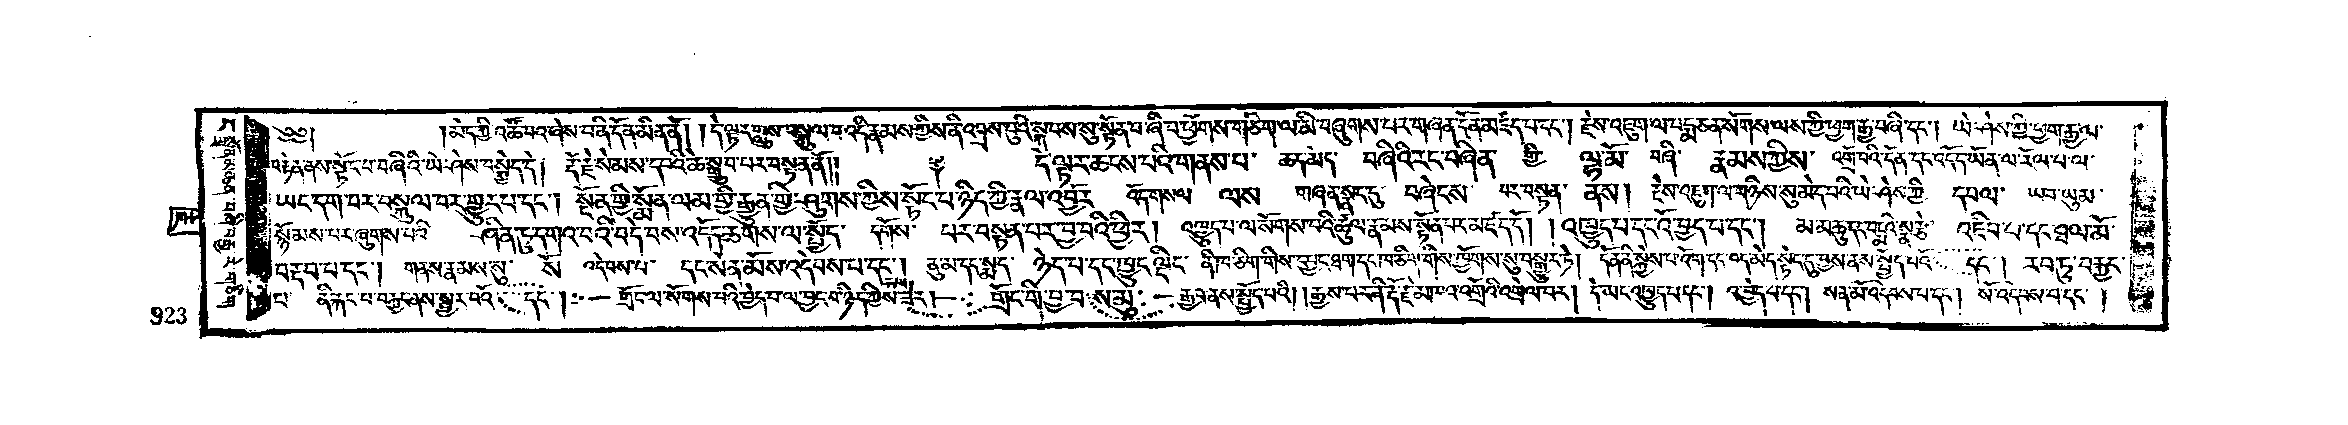༄༅། །མེད་ཀྱི་འཚོ་བའི་ཞེས་པ་ནི་དོན་མིན་ནོ། །དེ་ལྟར་གླུས་བསྐུལ་བ་འདི་རྣམས་ཀྱིས་ནི་འབྲས་བུའི་སྐབས་སུ་སྟོན་པ་ཞི་བ་ཕྱོགས་གཅིག་ལ་མེ་བཞུགས་པར་གཞན་དོན་མཛད་པ་དང་། རྗེས་འཇུག་ལ་པདམ་ཅན་སོགས་ལས་ཀྱི་ཕྱག་རྒྱ་བཞི་དང་། ཡེ་ཤེས་ཀྱི་ཕྱག་རྒྱ་ལ་
བརྟེན་ནས་སྟོང་པ་བཞིའི་ཡེ་ཤེས་བསྐྱེད་དེ། རྡོ་རྗེ་སེམས་དཔའི་ཆེ་སྒྲུབ་པར་བསྟན་ནོ།། ༈ དེ་ལྟར་ཚངས་པའི་གནས་པ་ཆད་མེད་བཞིའི་རང་བཞིན་གྱི་ལྷ་མོ་བཞི་རྣམས་ཀྱིས་འགྲོ་བའི་དོན་དང་འདོད་ཡོན་ལ་རོལ་པ་ལ
ཡང་དག་པར་བསྐུལ་བར་གྱུར་པ་དང་། སྔོན་གྱི་སྨོན་ལམ་གྱི་རྒྱུན་གྱི་ཤུགས་ཀྱིས་སྟོང་པ་ཉིད་གྱི་རྣལ་འབྱོར་འོད་གསལ་ལས་གཞན་སྣང་དུ་བཞེངས་པར་བསྟན་ནས། རྗེས་འཇུག་ལ་གཉིས་སུ་མེད་པའི་ཡེ་ཤེས་ཀྱི་དཔལ་ཡབ་ཡུམ་
སྙོམས་པར་ཞུགས་པའི་ཤིན་ཏུ་དགའ་བའི་བདེ་བས་འདོད་ཆགས་ལ་སྤྱོད་དགོས་པར་བསྟན་པར་བྱ་བའི་ཕྱིར། འཁྱུད་པ་ལ་སོགས་པའི་ཚུལ་རྣམས་སྟོན་པར་མཛད་དོ། །  འཁྱུད་པ་དང་འོ་བྱད་པ་དང་། མ་མཆུ་དང་པདམའི་སྣ་རྩེ་འཇིབ་པ་དང་ཐལ་མོ་
བརྡབ་པ་དང་། གནས་རྣམས་སུ་སོ་འདེབས་པ་དང་སེན་མོས་འདེབས་པ་དང་། ནུ་མ་དང་སྨད་ཉེད་པ་དང་ཁྱུད་ལྡིང་ནི་ཁ་ཅིག་གིས་དཔྱད་ཐག་དང་ཁ་ཅིག་གིས་ཁྱོགས་སུ་བསྒྱུར་ཏེ། དོན་ནི་སྐྱེས་པ་འོག་དང་བུད་མེད་སྟེང་དུ་བྱས་ནས་སྤྱོད་པའོ་དང་། རབ་ཏུ་བརྐྱང་
པ་ནི་རྐང་པ་བརྐྱང་ནས་སྦྱར་བའོ་དང་། H.་གྲོང་ལ་སོགས་པའི་བྱེད་པ་ལ་བྱང་བ་ཉིད་ཀྱིས་ཆག་ཟེར།  .Hགྲོང་གི་བྱ་བས་མུཿ་རྒྱབ་ནས་སྤྱོད་པའོ། །རྒྱས་པར་ནི་རྡོ་རྗེ་མཁའ་འགྲོའི་འགྲེལ་པར། དེ་མང་འཁྱུད་པ་དང་། འོ་བྱེད་པ་དང་། སེན་མོ་འདེབས་པ་དང་། སོ་འདེབས་པ་དང་།